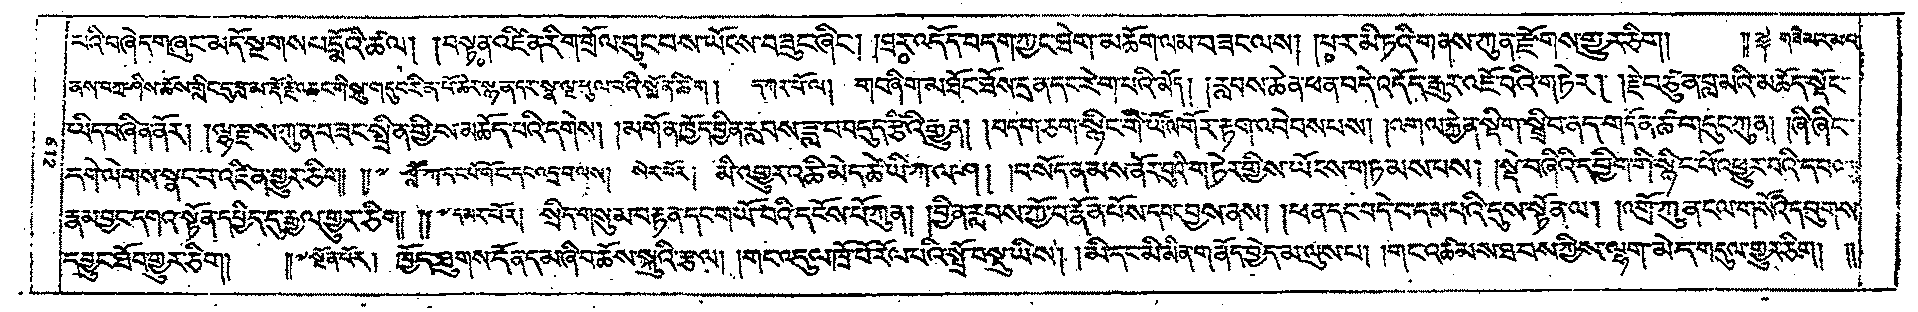པའི་བཞེད་གཞུང་མདོ་སྔགས་པདམོའི་ཚལ། །བསྟན྾་འཛིན་རིག་གྲོལ་བུང་བས་ཡོངས་བཟུང་ཞིང་། །ཐར྾་འདོད་བདག་ཀྱང་ཐེག་མཆོག་ལམ་བཟང་ལས། །པ྾་ར་མི་ཏའི་གནས་ཀུན་རྫོགས་གྱུར་ཅིག ། །། ༈ གཟིམ་རམ་པ་
ནས་བཀྲ་ཤིས་ཆོས་གླིང་དུ་བླ་མ་རྡོ་རྗེ་འཆང་གི་སྐུ་གདུང་རིན་པོ་ཆེར་སྙན་དར་སྣ་ལྔ་ཕུལ་བའི་སྨོན་ཚིག །དཀར་པོ་ལ། གང་ཞིག་མཐོང་ཐོས་དྲན་དང་རེག་པའི་མོད། །རླབས་ཆེན་ཕན་བདེ་འདོད་རྒུར་འཇོ་བའི་གཏེར། །རྗེ་བཙུན་བླ་མའི་མཆོད་སྡོང་
ཡིད་བཞིན་ནོར། །ལྷ་རྫས་ཀུན་བཟང་སྤྲིན་གྱིས་མཆོད་པའི་དགེས། །མགོན་ཁྱོད་བྱིན་རླབས་ཟླ་བ་བདུད་རྩིའི་རྒྱུན། །བདག་ཅག་སྙིང་གི་ཡོལ་གོར་རྟག་འབེབས་པས། །འགལ་རྐྱེན་སྡིག་སྒྲིབ་ནད་གདོན་ཚ་གདུང་ཀུན། །ཞི་ཞིང་
དགེ་ལེགས་སྣང་བ་འཛིན་གྱུར་ཅིག ། །། ༈ ཤླཽ་ཀ་དང་པོ་གོང་དང་འདྲ་བ་ལས། སེར་པོར།  མི་འགྱུར་འཆི་མེད་ཚེ་ཡི་ཀ་ལ་ཤ། །བསོད་ནམས་ནོར་བུའི་གཏེར་གྱིས་ཡོངས་གཏམས་པས། །སྡེ་བཞིའི་དབྱིག་གི་སྙིང་པོ་འཕྱུར་བའི་དཔལ།།
རྣམ་བྱང་དགའ་སྟོན་དཔྱིད་དུ་རྒྱལ་གྱུར་ཅིག ། །། ༈ དམར་པོར།  སྲིད་གསུམ་བརྟན་དང་གཡོ་བའི་དངོས་པོ་ཀུན། །བྱིན་རླབས་ཀྱོ་བ་རྣོན་པོས་དབང་བྱས་ནས། །ཕན་དང་བདེ་བ་དམ་པའི་དུས་སྟོན་ལ། །འགྲོ་ཀུན་ངལ་གསོའི་དབུགས་
དབྱུང་ཐོབ་གྱུར་ཅིག ། །། ༧སྔོན་པོར།  ཁྱོད་ཐུགས་དོན་དམ་ཞི་བ་ཆོས་སྐུའི་རྩལ། །གང་འདུལ་ཁྲོ་བོ་རོལ་པའི་སྤྲོ་བསྡུ་ཡིས། །མི་དང་མི་མིན་གནོད་བྱེད་མ་ལུས་པ། །གང་འཚམས་ཐབས་ཀྱིས་ལྷག་མེད་གདུལ་གྱུར་ཅིག ། །།